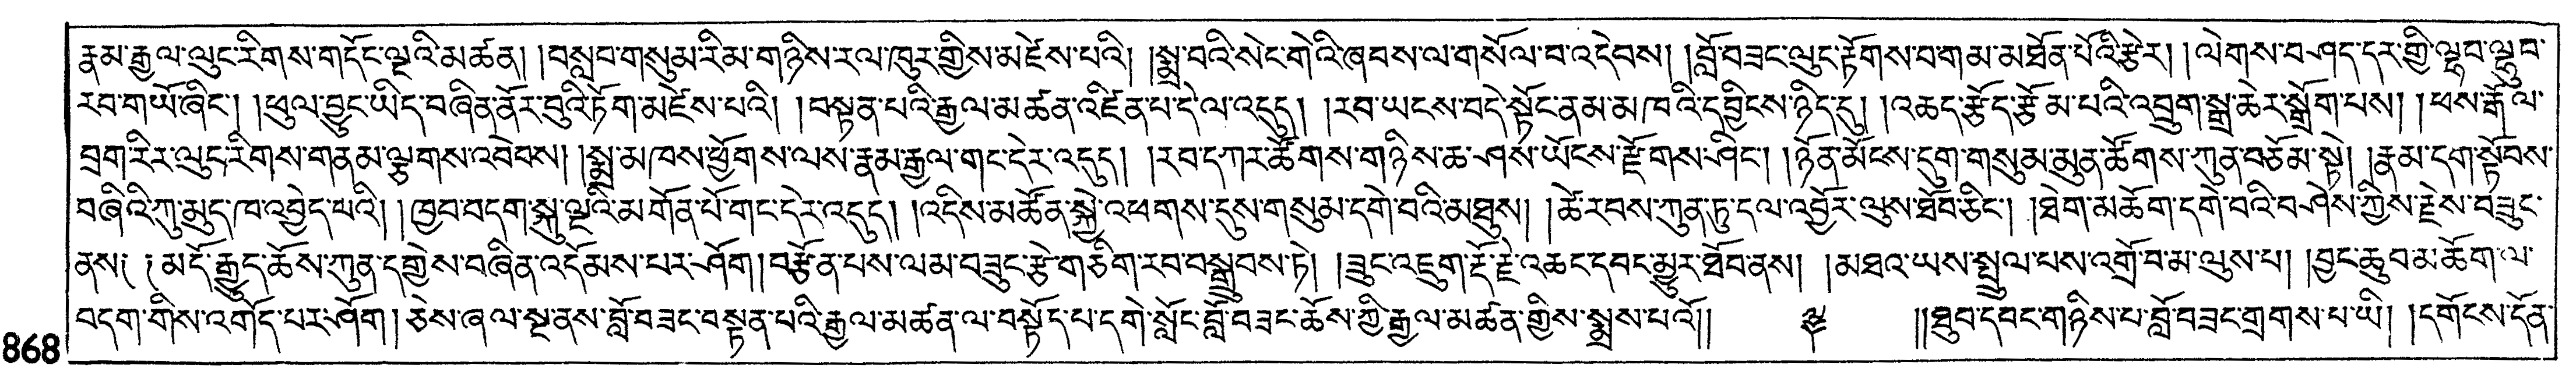རྣམ་རྒྱལ་ལུང་རིགས་གདོང་ལྔའི་མཚན། །བསླབ་གསུམ་རིམ་གཉིས་རལ་ཁུར་གྱིས་མཛེས་པའི། །སྨྲ་བའི་སེང་གེའི་ཞབས་ལ་གསོལ་བ་འདེབས། །བློ་བཟང་ལུང་རྟོགས་བ་གམ་མཐོན་པོའི་རྩེར། །ལེགས་བཤད་དར་གྱི་ལྷབ་ལྷུབ་
རབ་གཡོ་ཞིང་། །ཕུལ་བྱུང་ཡིད་བཞིན་ནོར་བུའི་ཏོག་མཛེས་པའི། །བསྟན་པའི་རྒྱལ་མཚན་འཛིན་པ་དེ་ལ་འདུད། །རབ་ཡངས་བདེ་སྟོང་ནམ་མཁའི་དབྱིངས་ཉིད་དུ། །འཆད་རྩོད་རྩོམ་པའི་འབྲུག་སྒྲ་ཆེར་སྒྲོག་པས། །ཕས་རྒོལ་
བྲག་རིར་ལུང་རིགས་གནམ་ལྕགས་འབེབས། །སྨྲ་མཁས་ཕྱོགས་ལས་རྣམ་རྒྱལ་གང་དེར་འདུད། །རབ་དཀར་ཚོགས་གཉིས་ཆ་ཤས་ཡོངས་རྫོགས་ཤིང་། །ཉོན་མོངས་དུག་གསུམ་མུན་ཚོགས་ཀུན་བཅོམ་སྟེ། །རྣམ་དག་སྟོབས་
བཞིའི་ཀུ་མུད་ཁ་འབྱེད་པའི། །ཁྱབ་བདག་སྐུ་ལྔའི་མགོན་པོ་གང་དེར་འདུད། །འདིས་མཚོན་སྐྱེ་འཕགས་དུས་གསུམ་དགེ་བའི་མཐུས། །ཚེ་རབས་ཀུན་ཏུ་དལ་འབྱོར་ལུས་ཐོབ་ཅིང་། །ཐེག་མཆོག་དགེ་བའི་བཤེས་ཀྱིས་རྗེས་བཟུང་
ནས༑ ༑མདོ་རྒྱུད་ཆོས་ཀུན་དགྱེས་བཞིན་འདོམས་པར་ཤོག །བརྩོན་པས་ལམ་བཟུང་རྩེ་གཅིག་རབ་བསྒྲུབས་ཏེ། །ཟུང་འཇུག་རྡོ་རྗེ་འཆང་དབང་མྱུར་ཐོབ་ནས། །མཐའ་ཡས་སྤྲུལ་པས་འགྲོ་བ་མ་ལུས་པ། །བྱང་ཆུབ་མཆོག་ལ་
བདག་གིས་འགོད་པར་ཤོག །ཅེས་ཞལ་སྔ་ནས་བློ་བཟང་བསྟན་པའི་རྒྱལ་མཚན་ལ་བསྟོད་པ་དགེ་སློང་བློ་བཟང་ཆོས་ཀྱི་རྒྱལ་མཚན་གྱིས་སྨྲས་པའོ།། ༈ །།ཐུབ་དབང་གཉིས་པ་བློ་བཟང་གྲགས་པ་ཡི། །དགོངས་དོན་